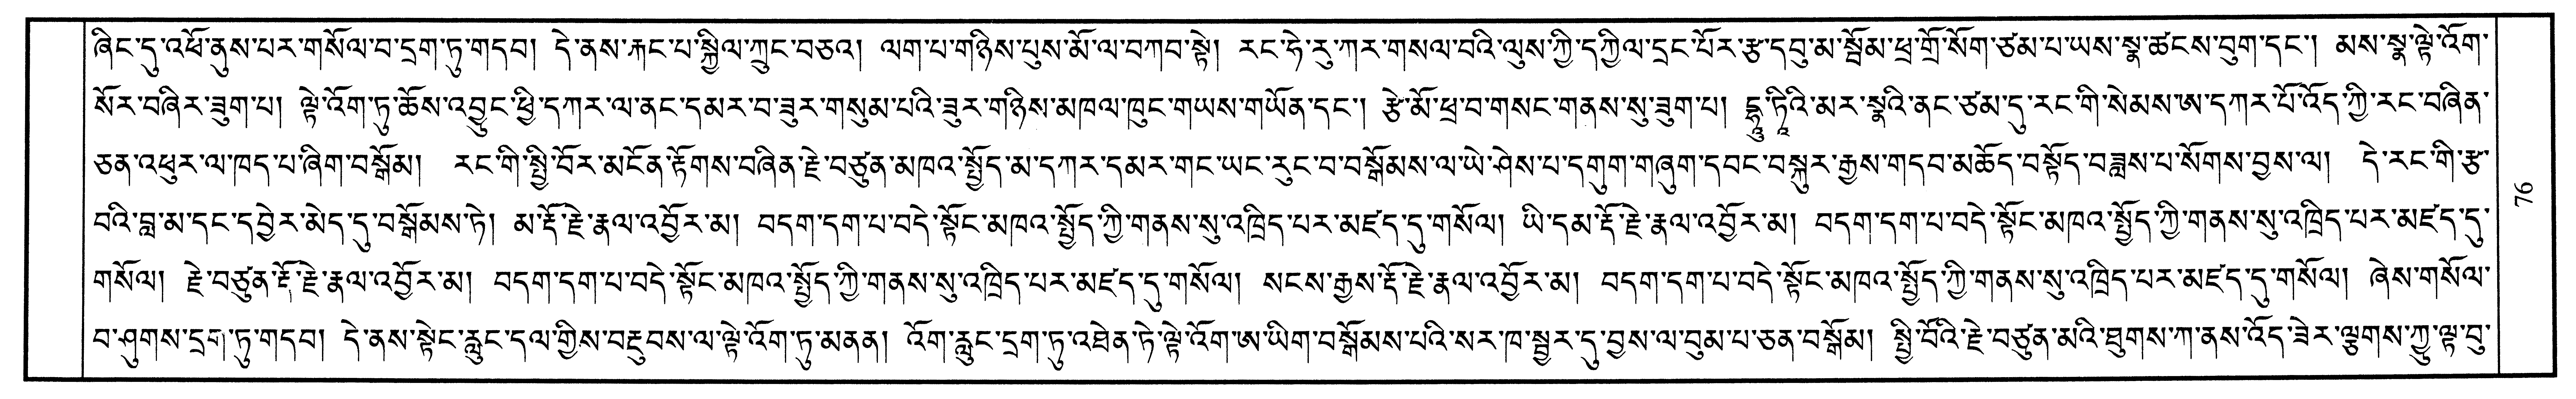ཞིང་དུ་འཕོ་ནུས་པར་གསོལ་བ་དྲག་ཏུ་གདབ། དེ་ནས་རྐང་པ་སྐྱིལ་ཀྲུང་བཅའ། ལག་པ་གཉིས་པུས་མོ་ལ་བཀབ་སྟེ། རང་ཧེ་རུ་ཀར་གསལ་བའི་ལུས་ཀྱི་དཀྱིལ་དྲང་པོར་རྩ་དབུ་མ་སྦོམ་ཕྲ་གྲོ་སོག་ཙམ་པ་ཡས་སྣ་ཚངས་བུག་དང་། མས་སྣ་ལྟེ་འོག་
སོར་བཞིར་ཟུག་པ། ལྟེ་འོག་ཏུ་ཆོས་འབྱུང་ཕྱི་དཀར་ལ་ནང་དམར་བ་ཟུར་གསུམ་པའི་ཟུར་གཉིས་མཁལ་ཁུང་གཡས་གཡོན་དང་། རྩེ་མོ་ཕྲ་བ་གསང་གནས་སུ་ཟུག་པ། དྷཱུ་ཏཱིའི་མར་སྣའི་ནང་ཙམ་དུ་རང་གི་སེམས་ཨ་དཀར་པོ་འོད་ཀྱི་རང་བཞིན་
ཅན་འཕུར་ལ་ཁད་པ་ཞིག་བསྒོམ། རང་གི་སྤྱི་བོར་མངོན་རྟོགས་བཞིན་རྗེ་བཙུན་མཁའ་སྤྱོད་མ་དཀར་དམར་གང་ཡང་རུང་བ་བསྒོམས་ལ་ཡེ་ཤེས་པ་དགུག་གཞུག་དབང་བསྐུར་རྒྱས་གདབ་མཆོད་བསྟོད་བཟླས་པ་སོགས་བྱས་ལ། དེ་རང་གི་རྩ་
བའི་བླ་མ་དང་དབྱེར་མེད་དུ་བསྒོམས་ཏེ། མ་རྡོ་རྗེ་རྣལ་འབྱོར་མ། བདག་དག་པ་བདེ་སྟོང་མཁའ་སྤྱོད་ཀྱི་གནས་སུ་འཁྲིད་པར་མཛད་དུ་གསོལ། ཡི་དམ་རྡོ་རྗེ་རྣལ་འབྱོར་མ། བདག་དག་པ་བདེ་སྟོང་མཁའ་སྤྱོད་ཀྱི་གནས་སུ་འཁྲིད་པར་མཛད་དུ་
གསོལ། རྗེ་བཙུན་རྡོ་རྗེ་རྣལ་འབྱོར་མ། བདག་དག་པ་བདེ་སྟོང་མཁའ་སྤྱོད་ཀྱི་གནས་སུ་འཁྲིད་པར་མཛད་དུ་གསོལ། སངས་རྒྱས་རྡོ་རྗེ་རྣལ་འབྱོར་མ། བདག་དག་པ་བདེ་སྟོང་མཁའ་སྤྱོད་ཀྱི་གནས་སུ་འཁྲིད་པར་མཛད་དུ་གསོལ། ཞེས་གསོལ་
བ་ཤུགས་དྲག་ཏུ་གདབ། དེ་ནས་སྟེང་རླུང་དལ་གྱིས་བརྔུབས་ལ་ལྟེ་འོག་ཏུ་མནན། འོག་རླུང་དྲག་ཏུ་འཐེན་ཏེ་ལྟེ་འོག་ཨ་ཡིག་བསྒོམས་པའི་སར་ཁ་སྦྱར་དུ་བྱས་ལ་བུམ་པ་ཅན་བསྒོམ། སྤྱི་བོའི་རྗེ་བཙུན་མའི་ཐུགས་ཀ་ནས་འོད་ཟེར་ལྕགས་ཀྱུ་ལྟ་བུ་